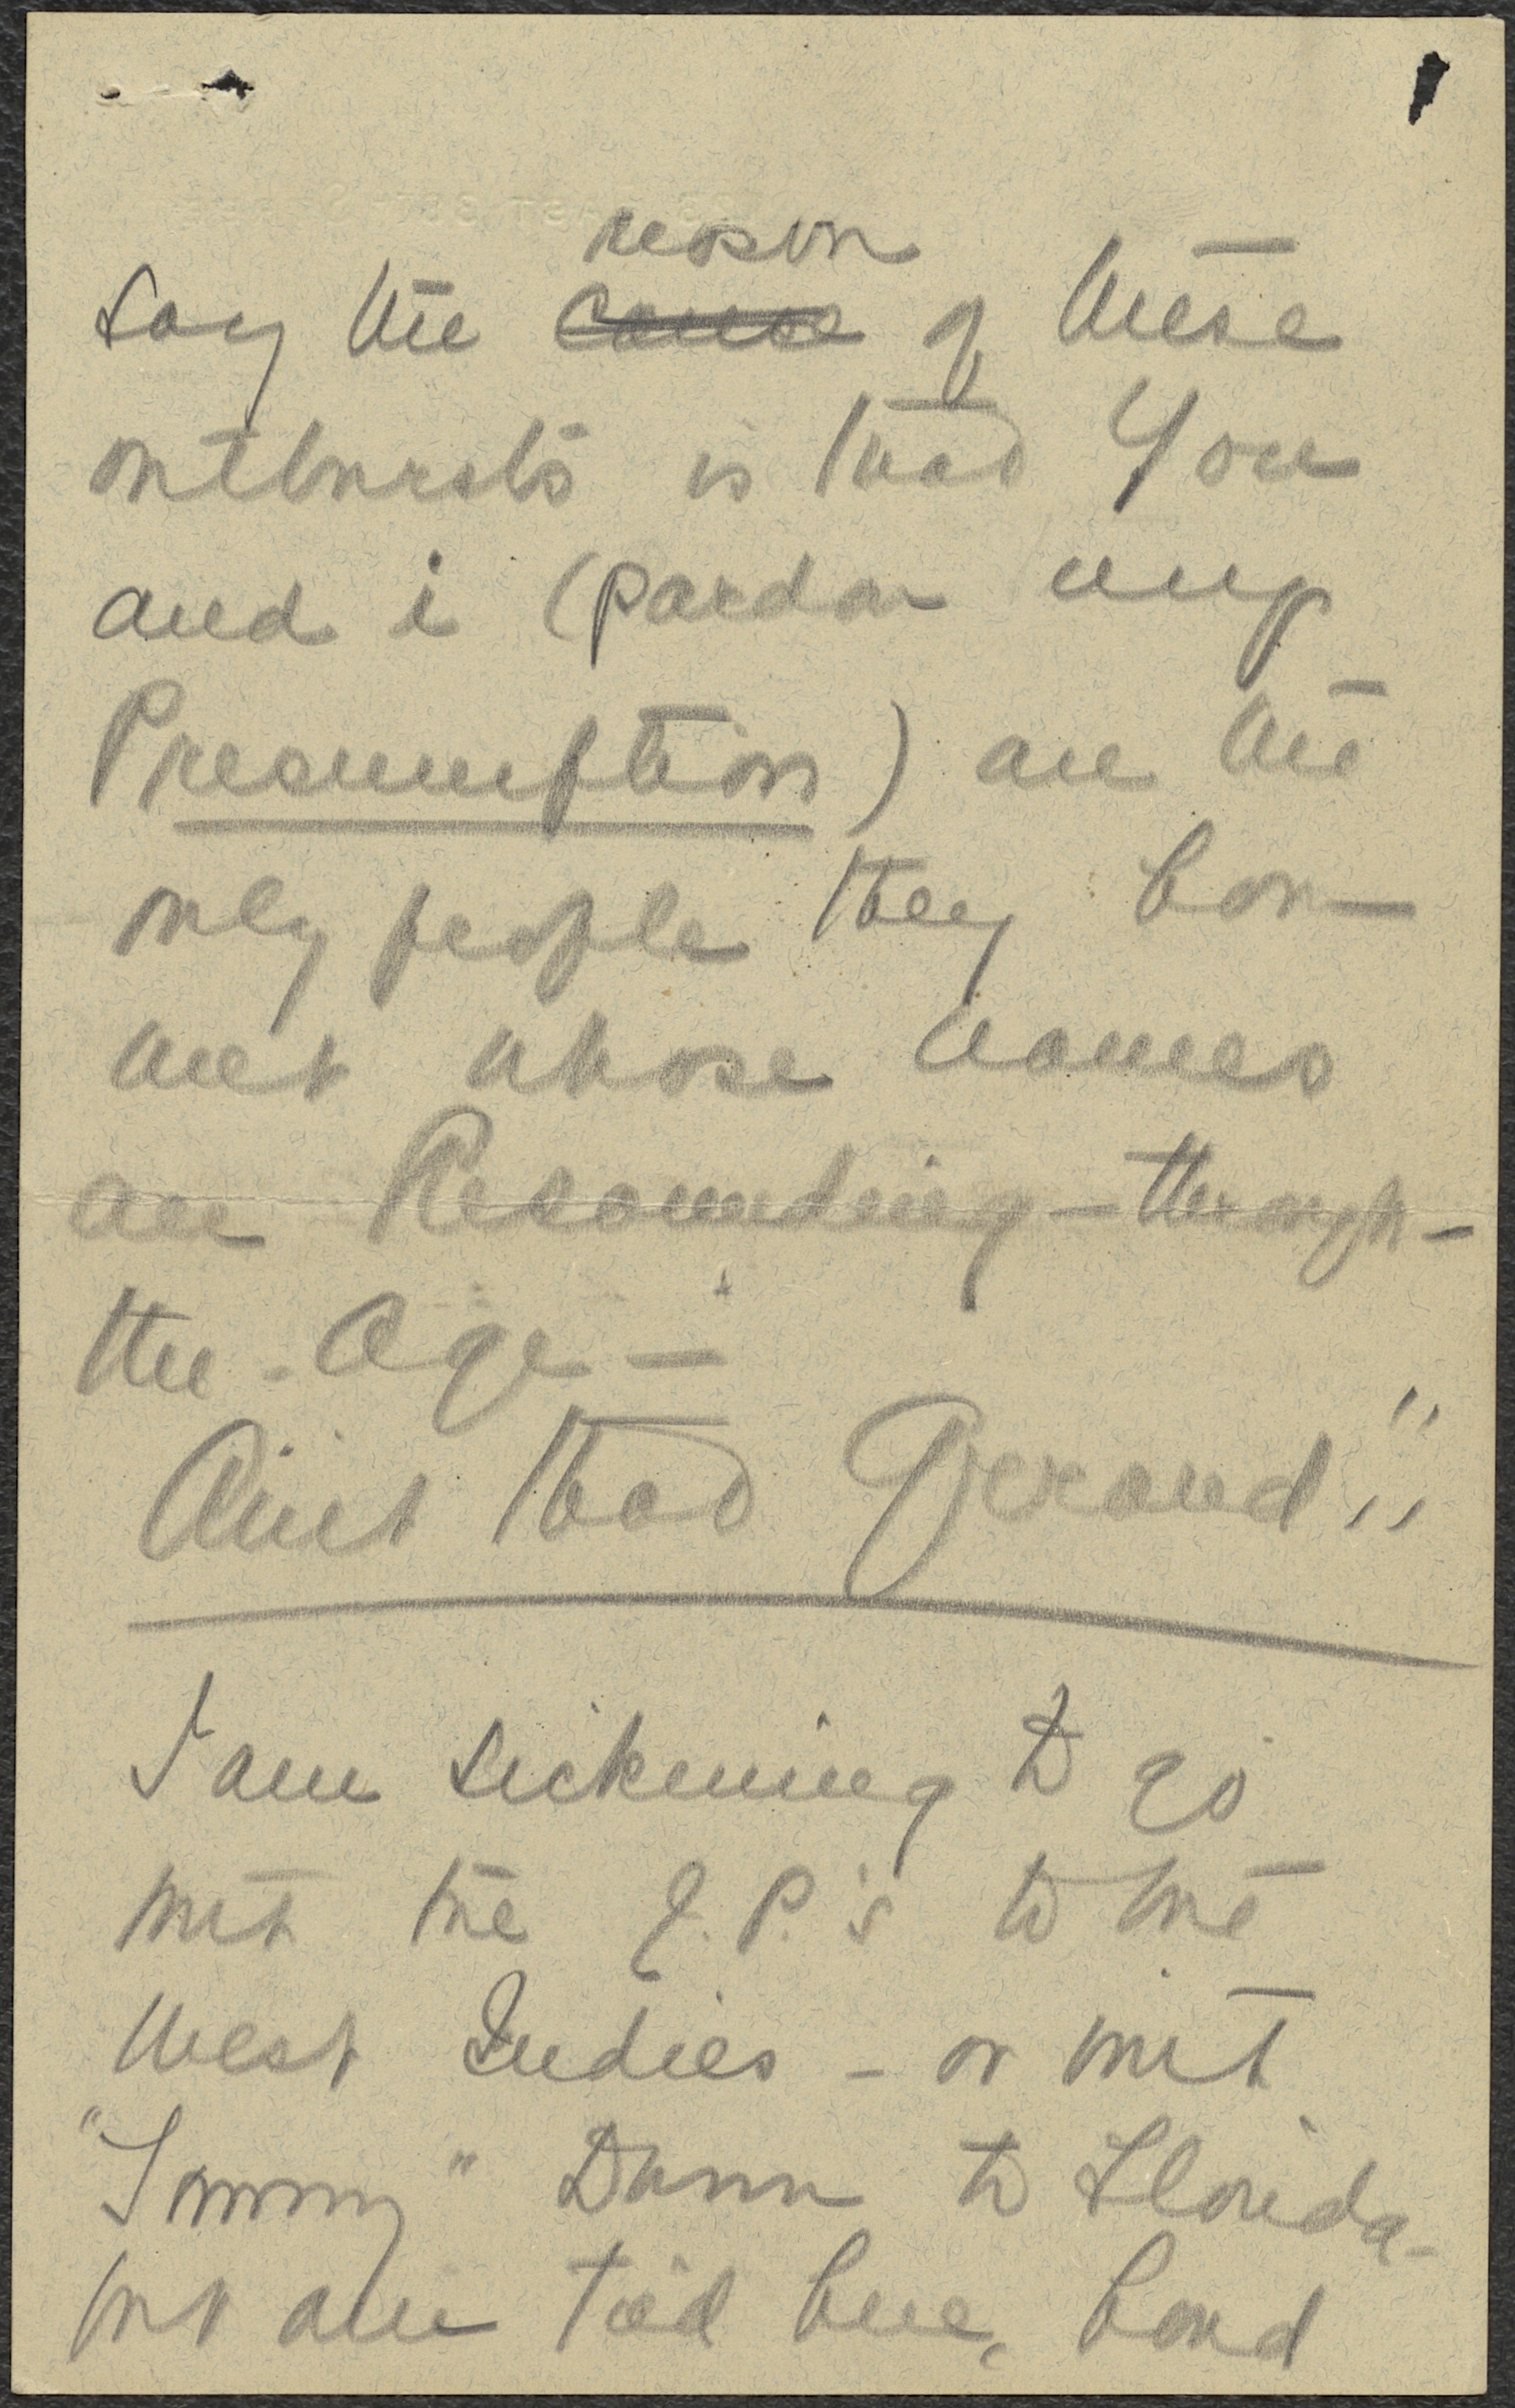say the cause [^reason^] of these outbursts is that You and i (pardon my Presumption) are the only people they have met whose names are Resounding – through – the – Age –
Ain’t that Grand!!
I am sickening to go with the J.P.’s to the West Indies – or with “Tommy” Dunn to Florida – but am tied here, hand